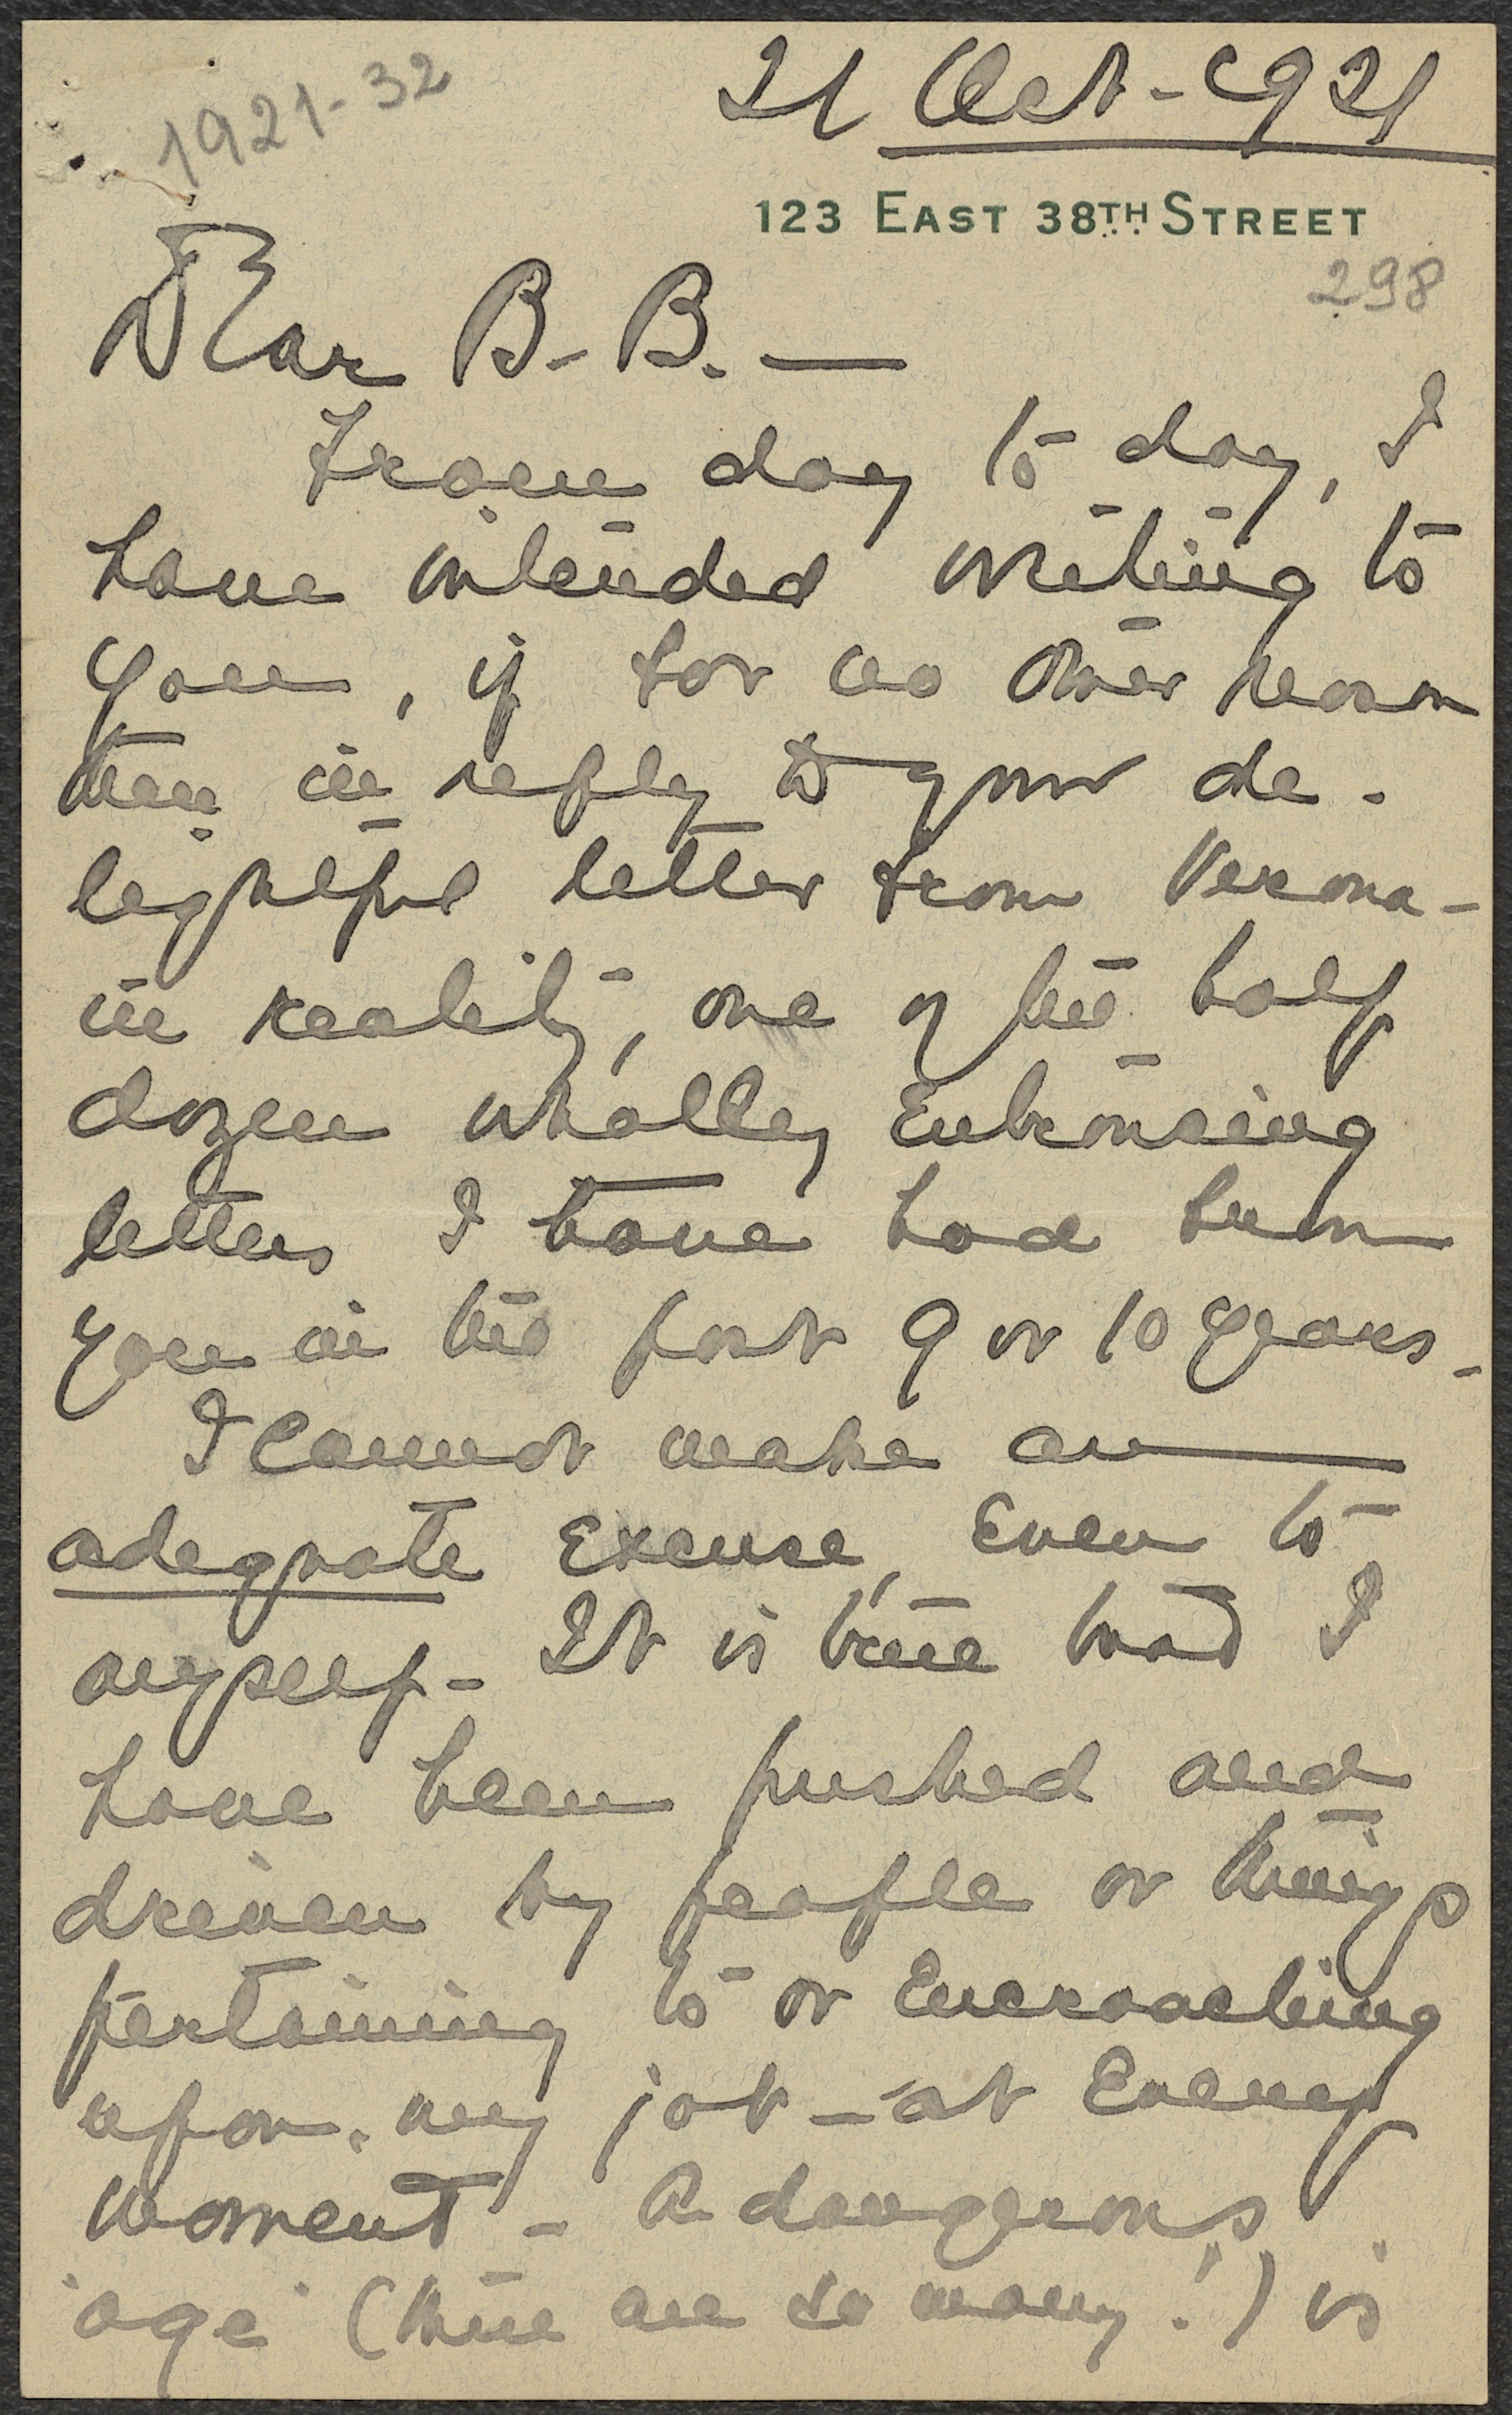21 Oct. 1921
Dear B.B. –
From day to day, I have intended writing to you, if for no other reason than in reply to your delightful letter from Verona – in reality, one of the half dozen wholly entrancing letters I have had from you in the past 9 or 10 years.
I cannot make an adequate excuse, even to myself – It is true that I have been pushed and driven by people or things pertaining to or encroaching upon my job – at Every moment – a dangerous “age” (there are so many!) is